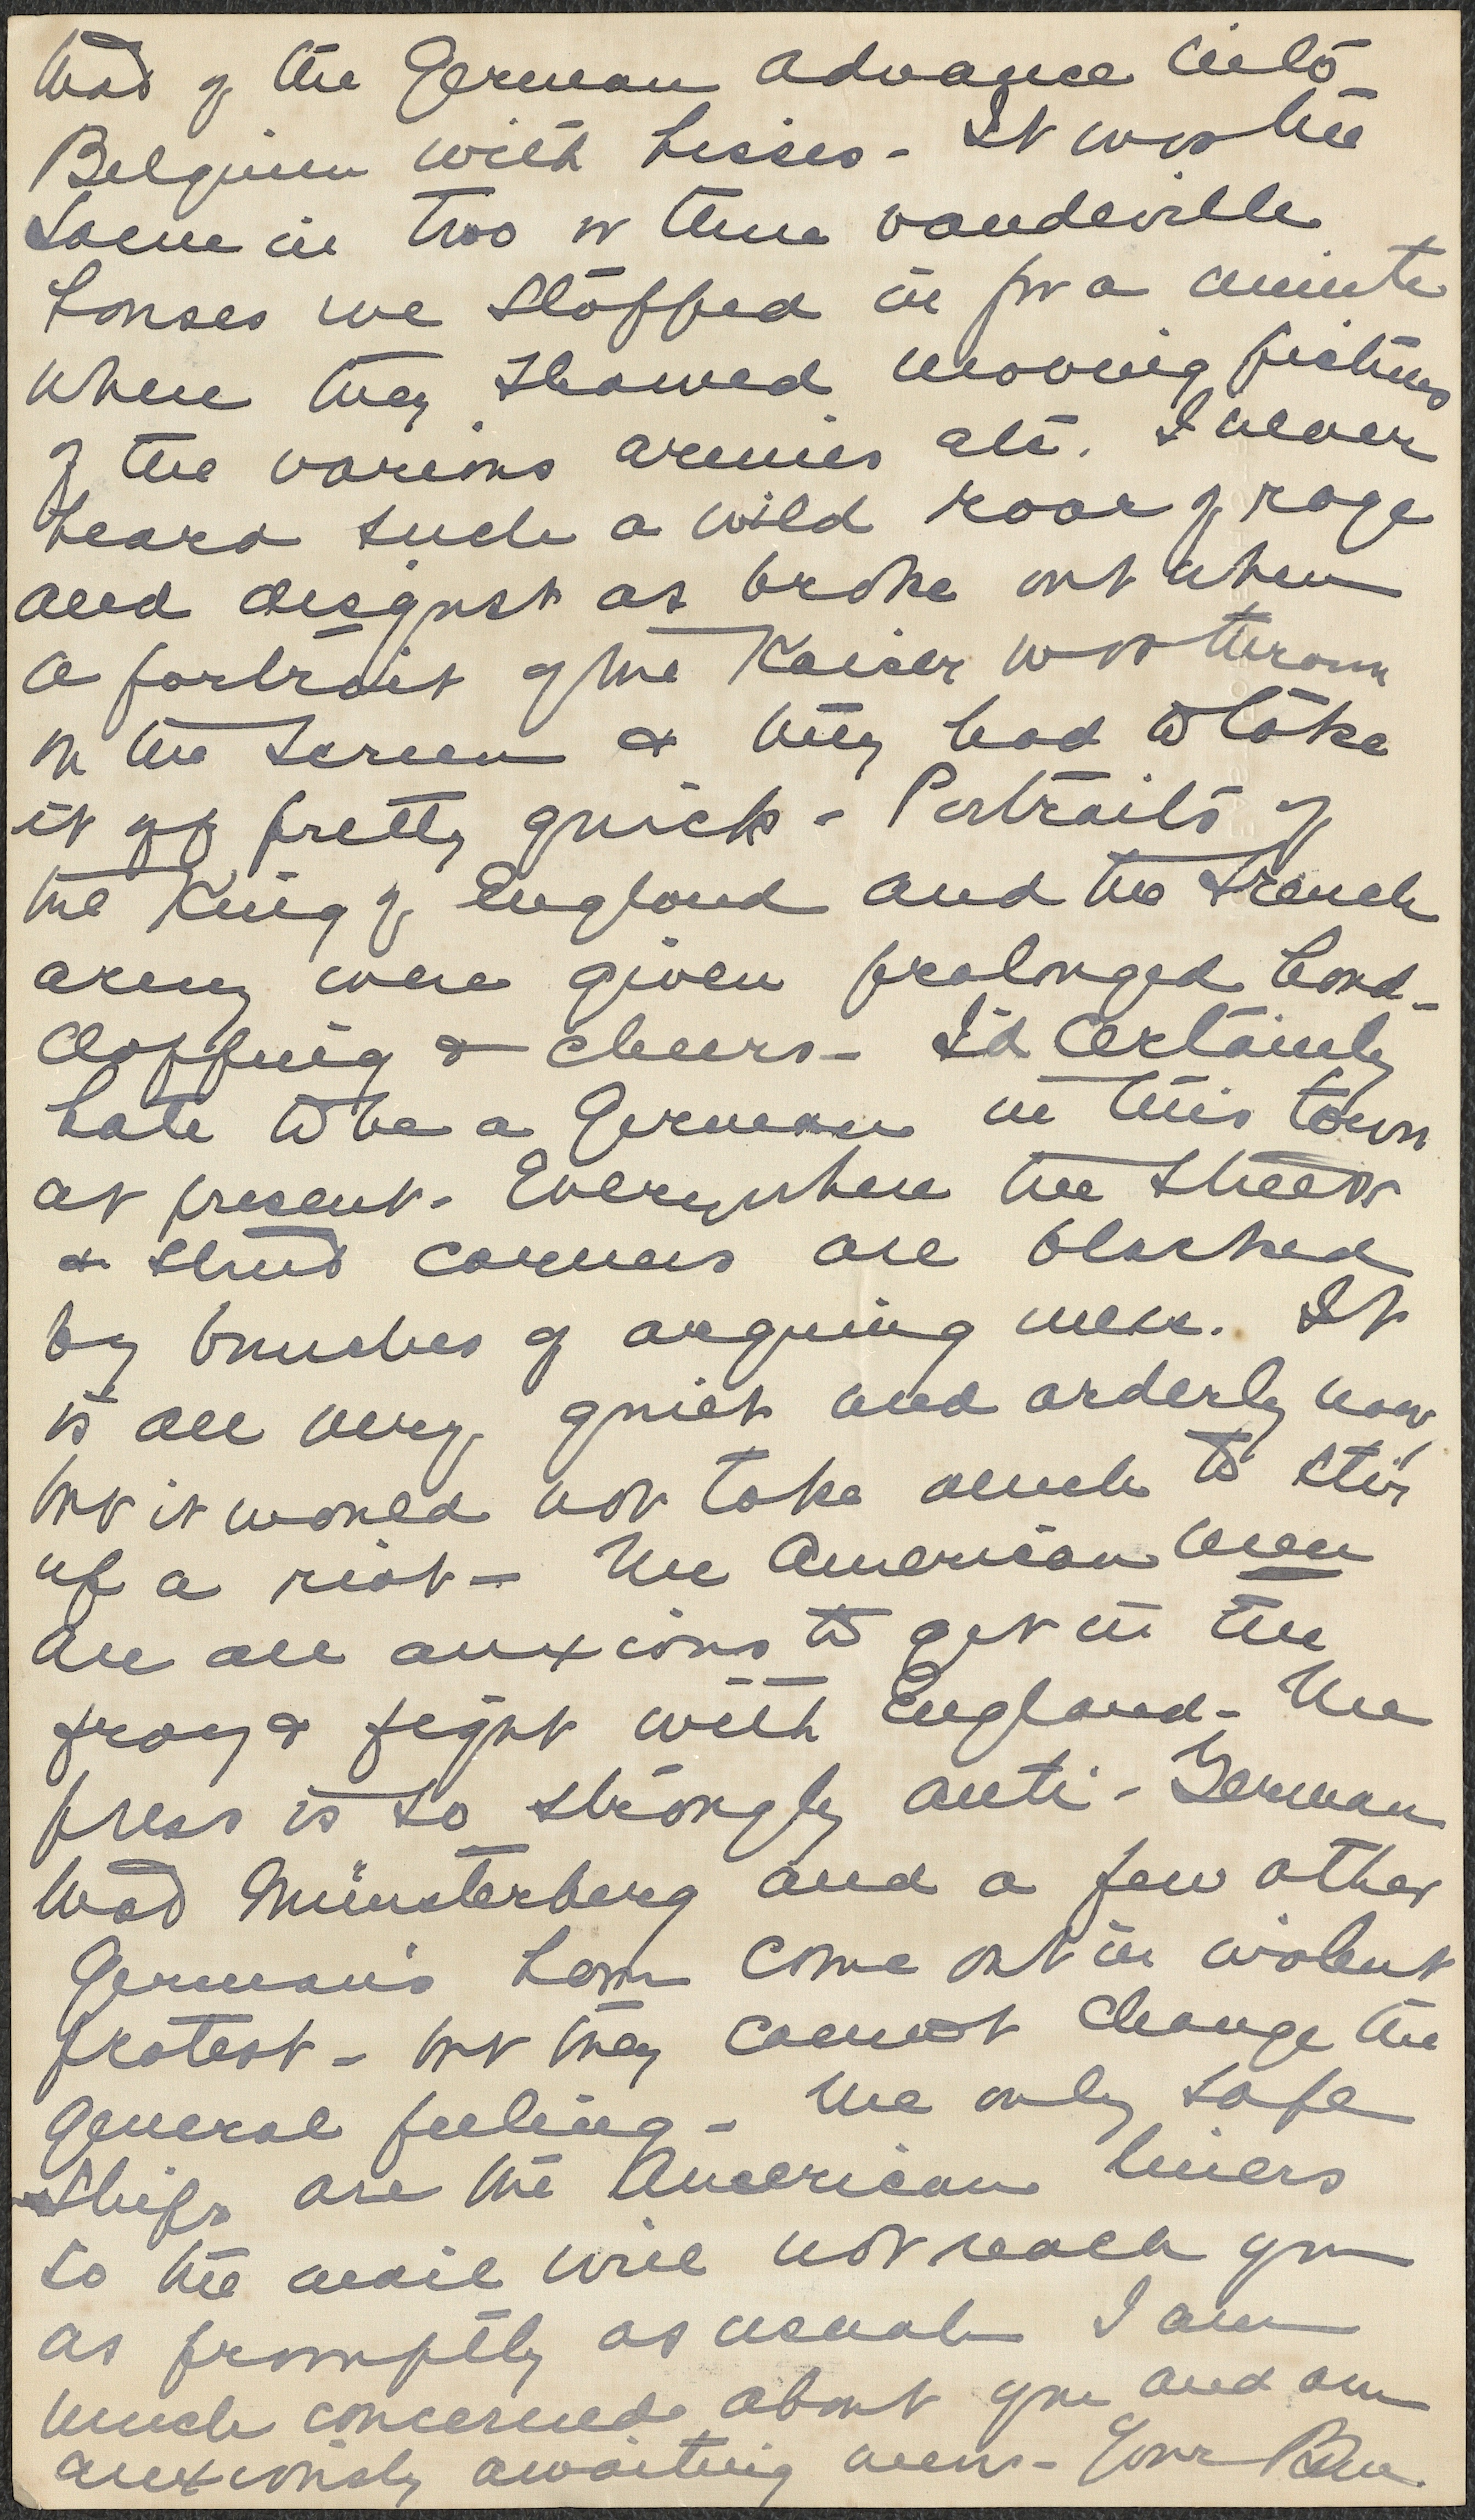that of the German advance into Belgium with hisses – It was the same in two or three vaudeville houses we stopped in for a minute where they showed moving pictures of the various armies etc. I never heard such a wild roar of rage and disgust as broke out when a portrait of the Kaiser was thrown on the screen & they had to take it off pretty quick – Portraits of the king of England and the French army were given prolonged hand-clapping & cheers – I’d certainly hate to be a German in this town at present – everywhere the streets & street corners are blocked by bunches of arguing men. It is all very quiet and orderly now but it would not take much to stir up a riot – The American men are all anxious to get in the fray & fight with England – The press is so strongly anti-German that Münsterberg and a few other Germans have come out in violent protest – but they cannot change the general feeling – The only safe ships are the American liners so the mail will not reach you as promptly as usual – I am much concerned about you and am anxiously awaiting news –Your Belle